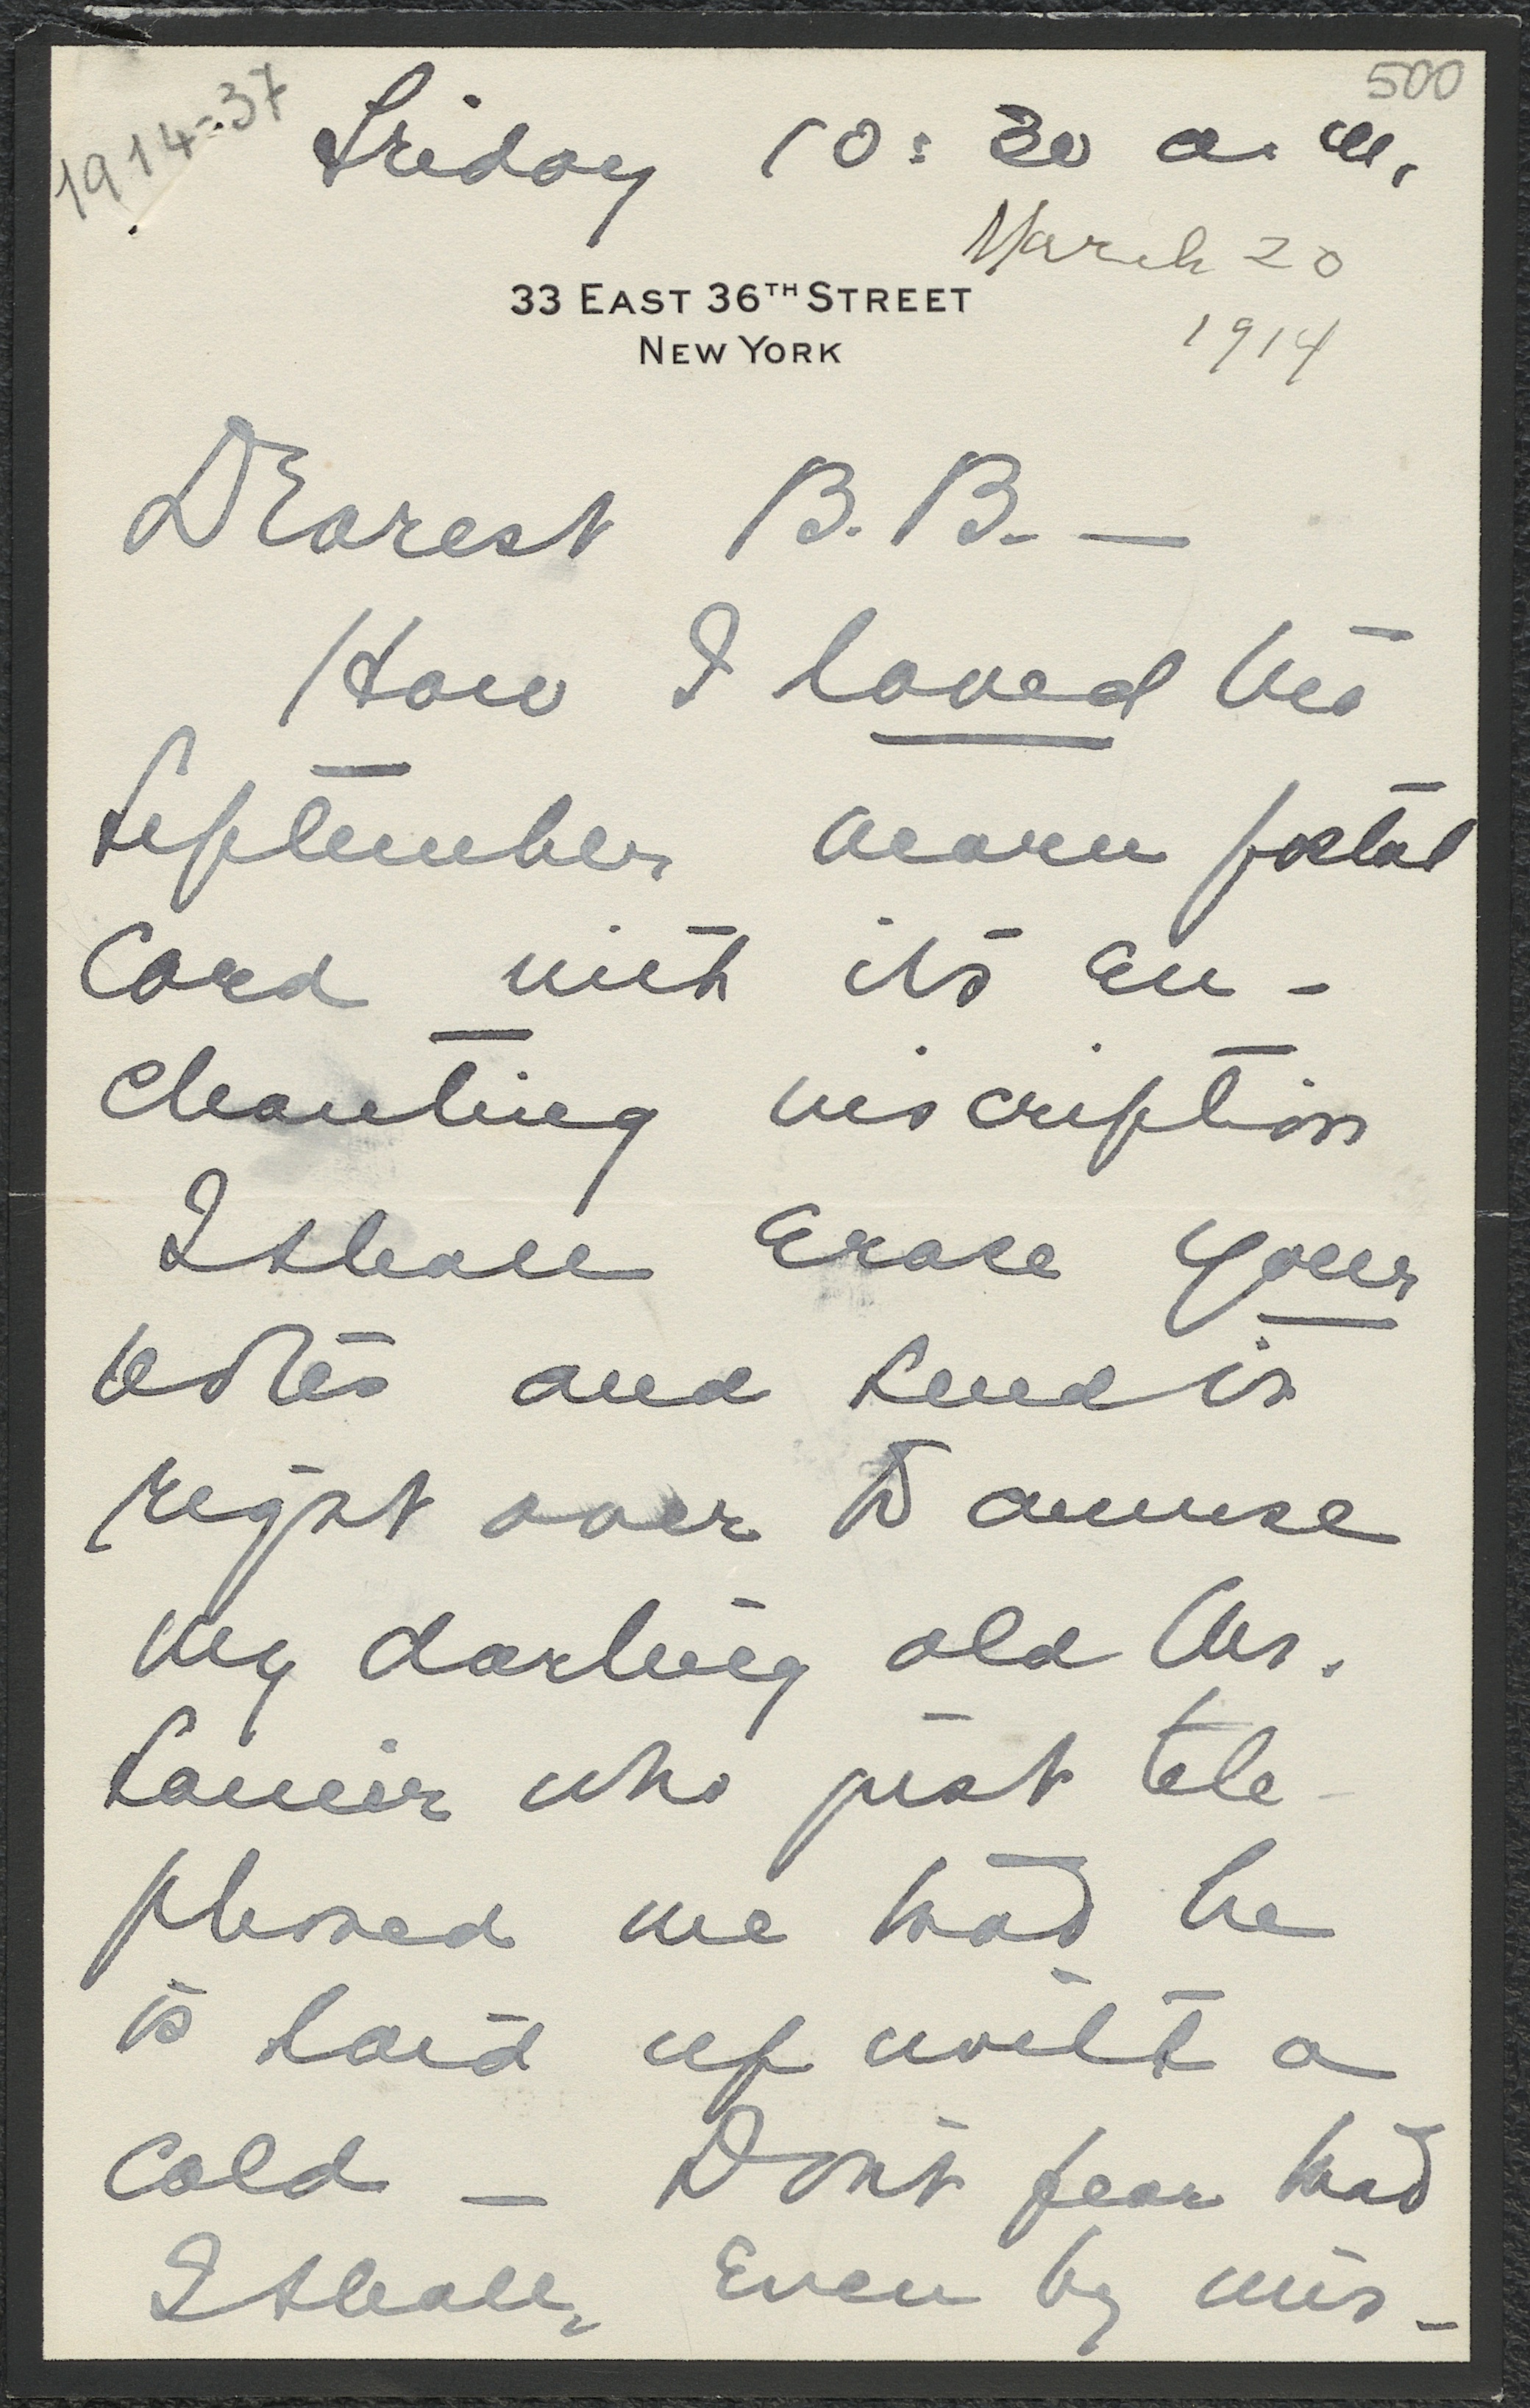Friday 10:30 a.m.
Dearest B.B. –
How I loved the September morn postal card with its enchanting inscription
I shall erase your notes and send it right over to amuse my darling old Mr. Lanier who just telephoned me that he is laid up with a cold – Don’t fear that I shall even by mischance